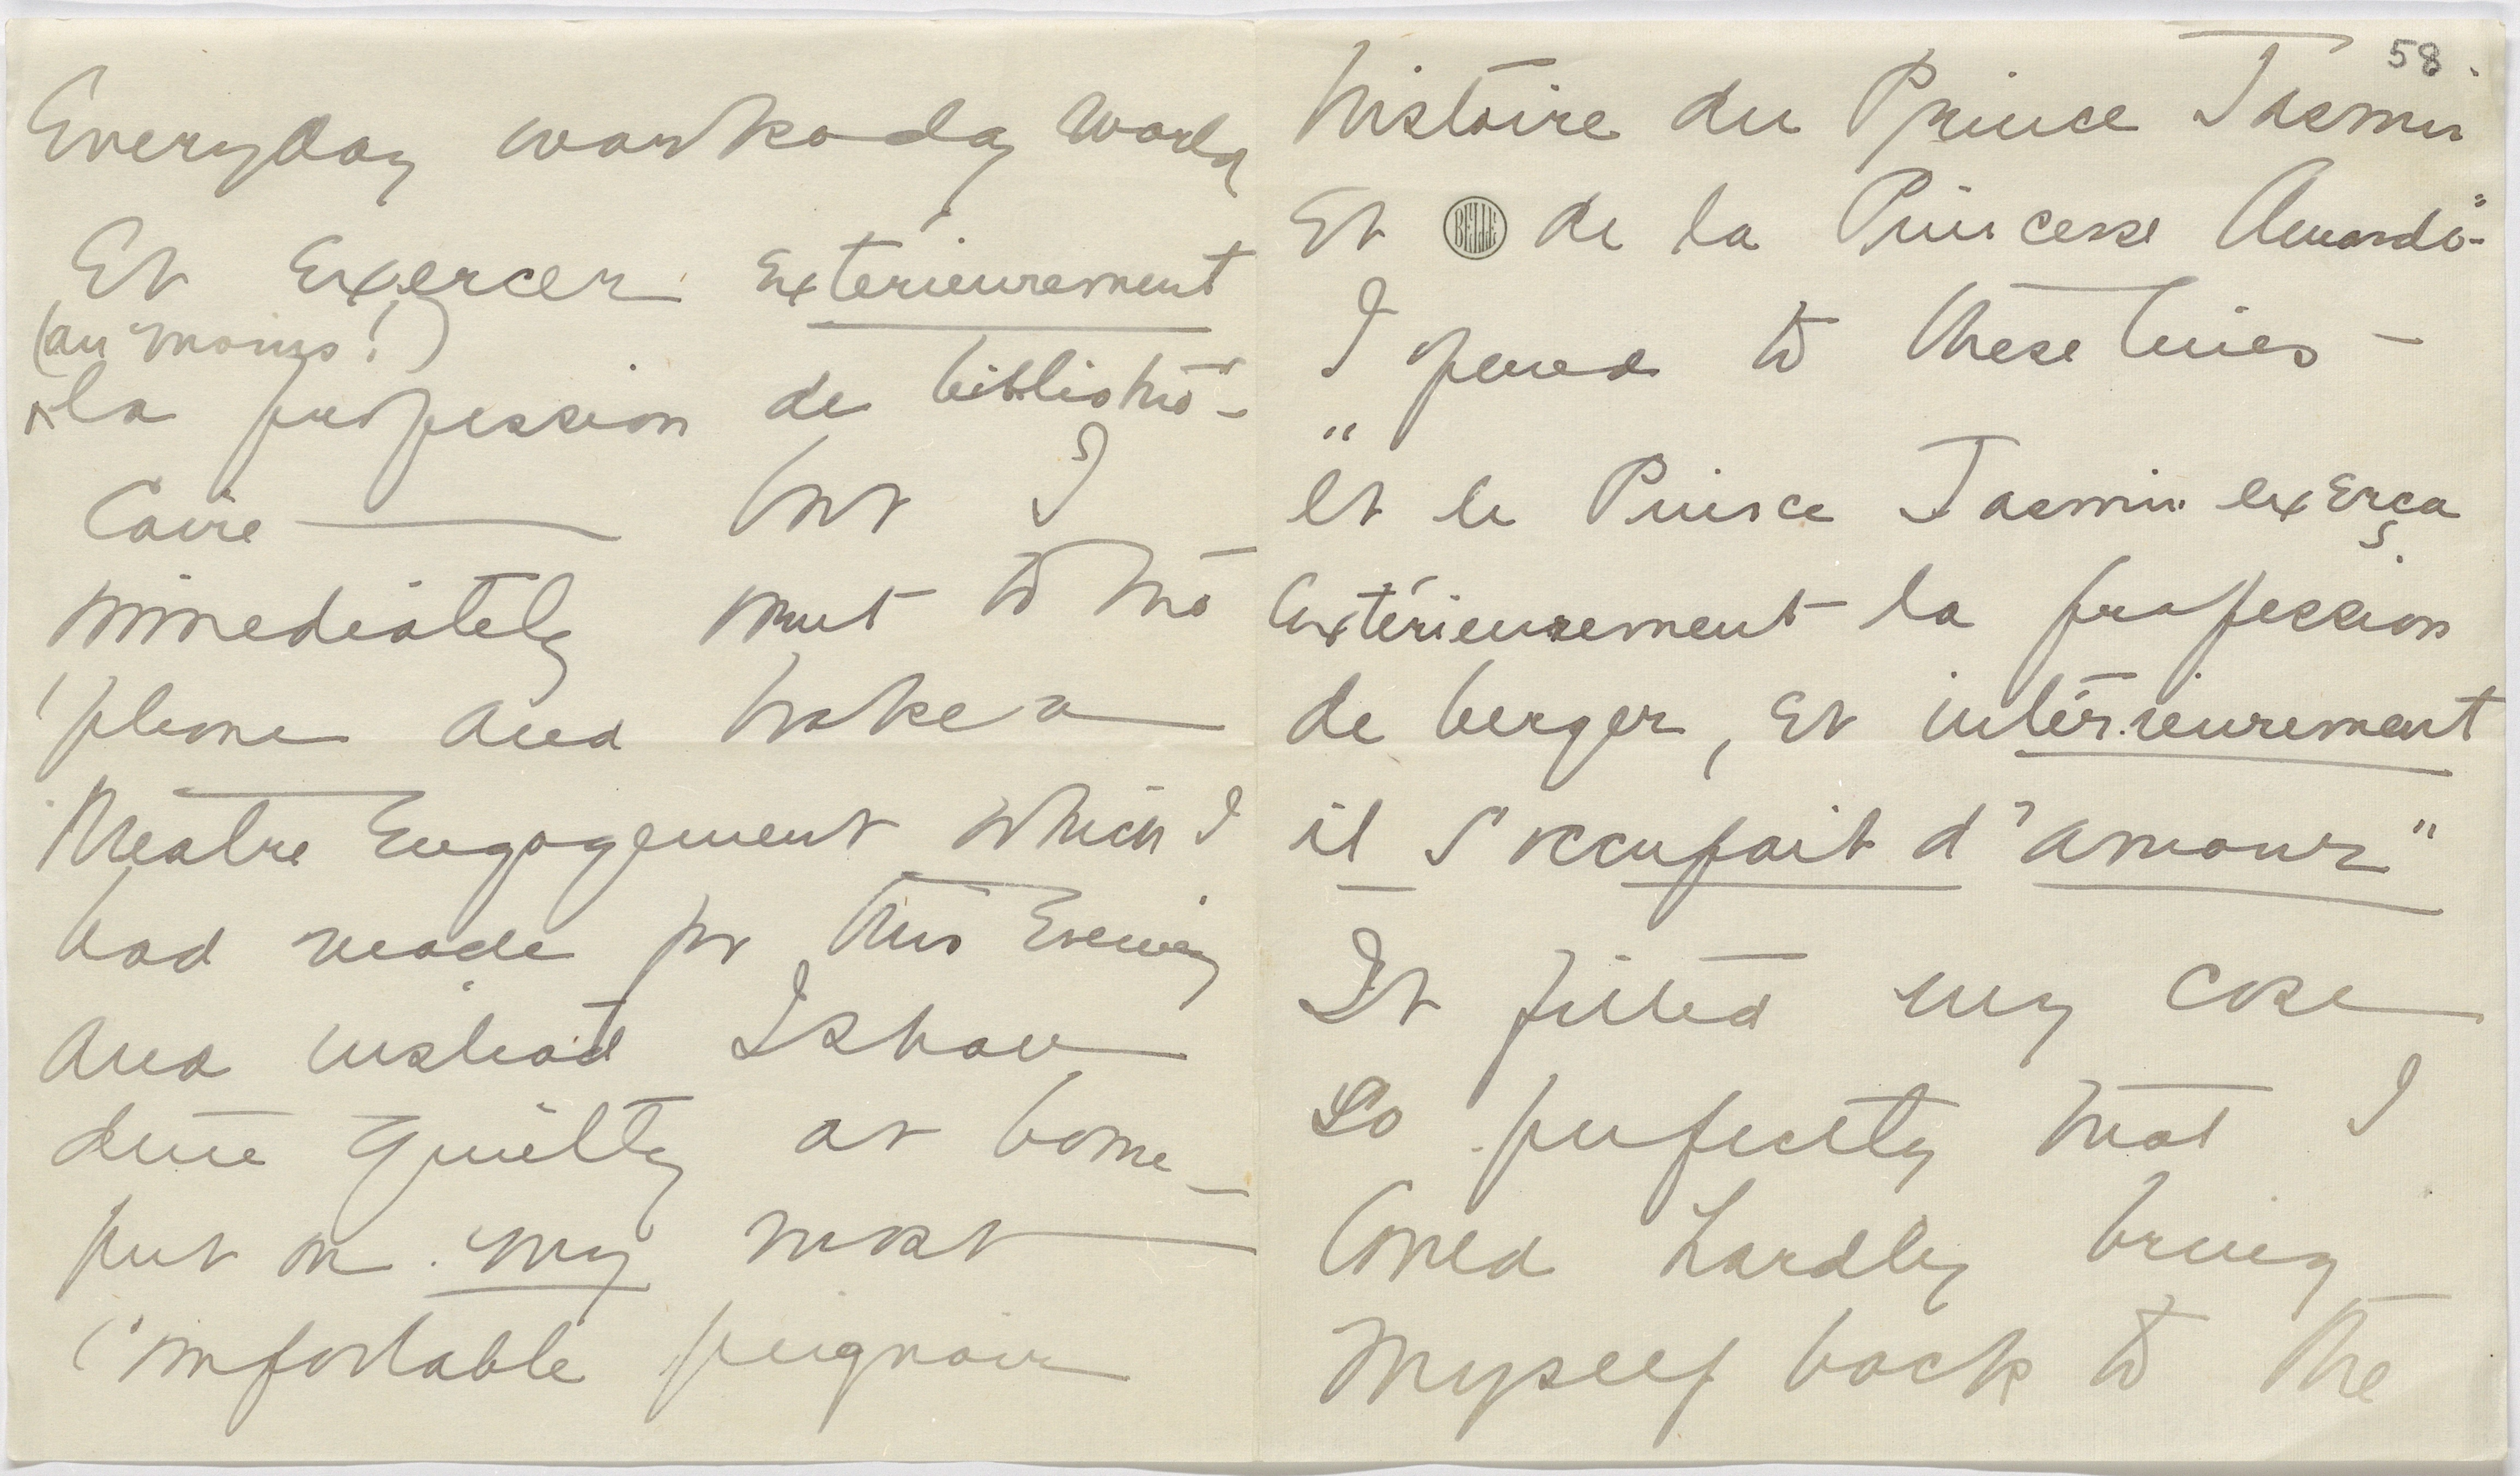histoire du Prince Jasmin et de la Princesse Amande” – I opened to these lines – “et le Prince Jasmin exercas extérieurement la profession de berger, et intérieurement il s’occupait d’amour”
It fitted my case so perfectly that I could hardly bring myself back to the
everyday workaday world
Et exercer extérieurement ^(au moins!)^ la profession de bibliothécaire – but I immediately went to the phone and broke a theatre engagement which I had made for this evening and instead I shall dine quietly at home – put on my most comfortable peignoir